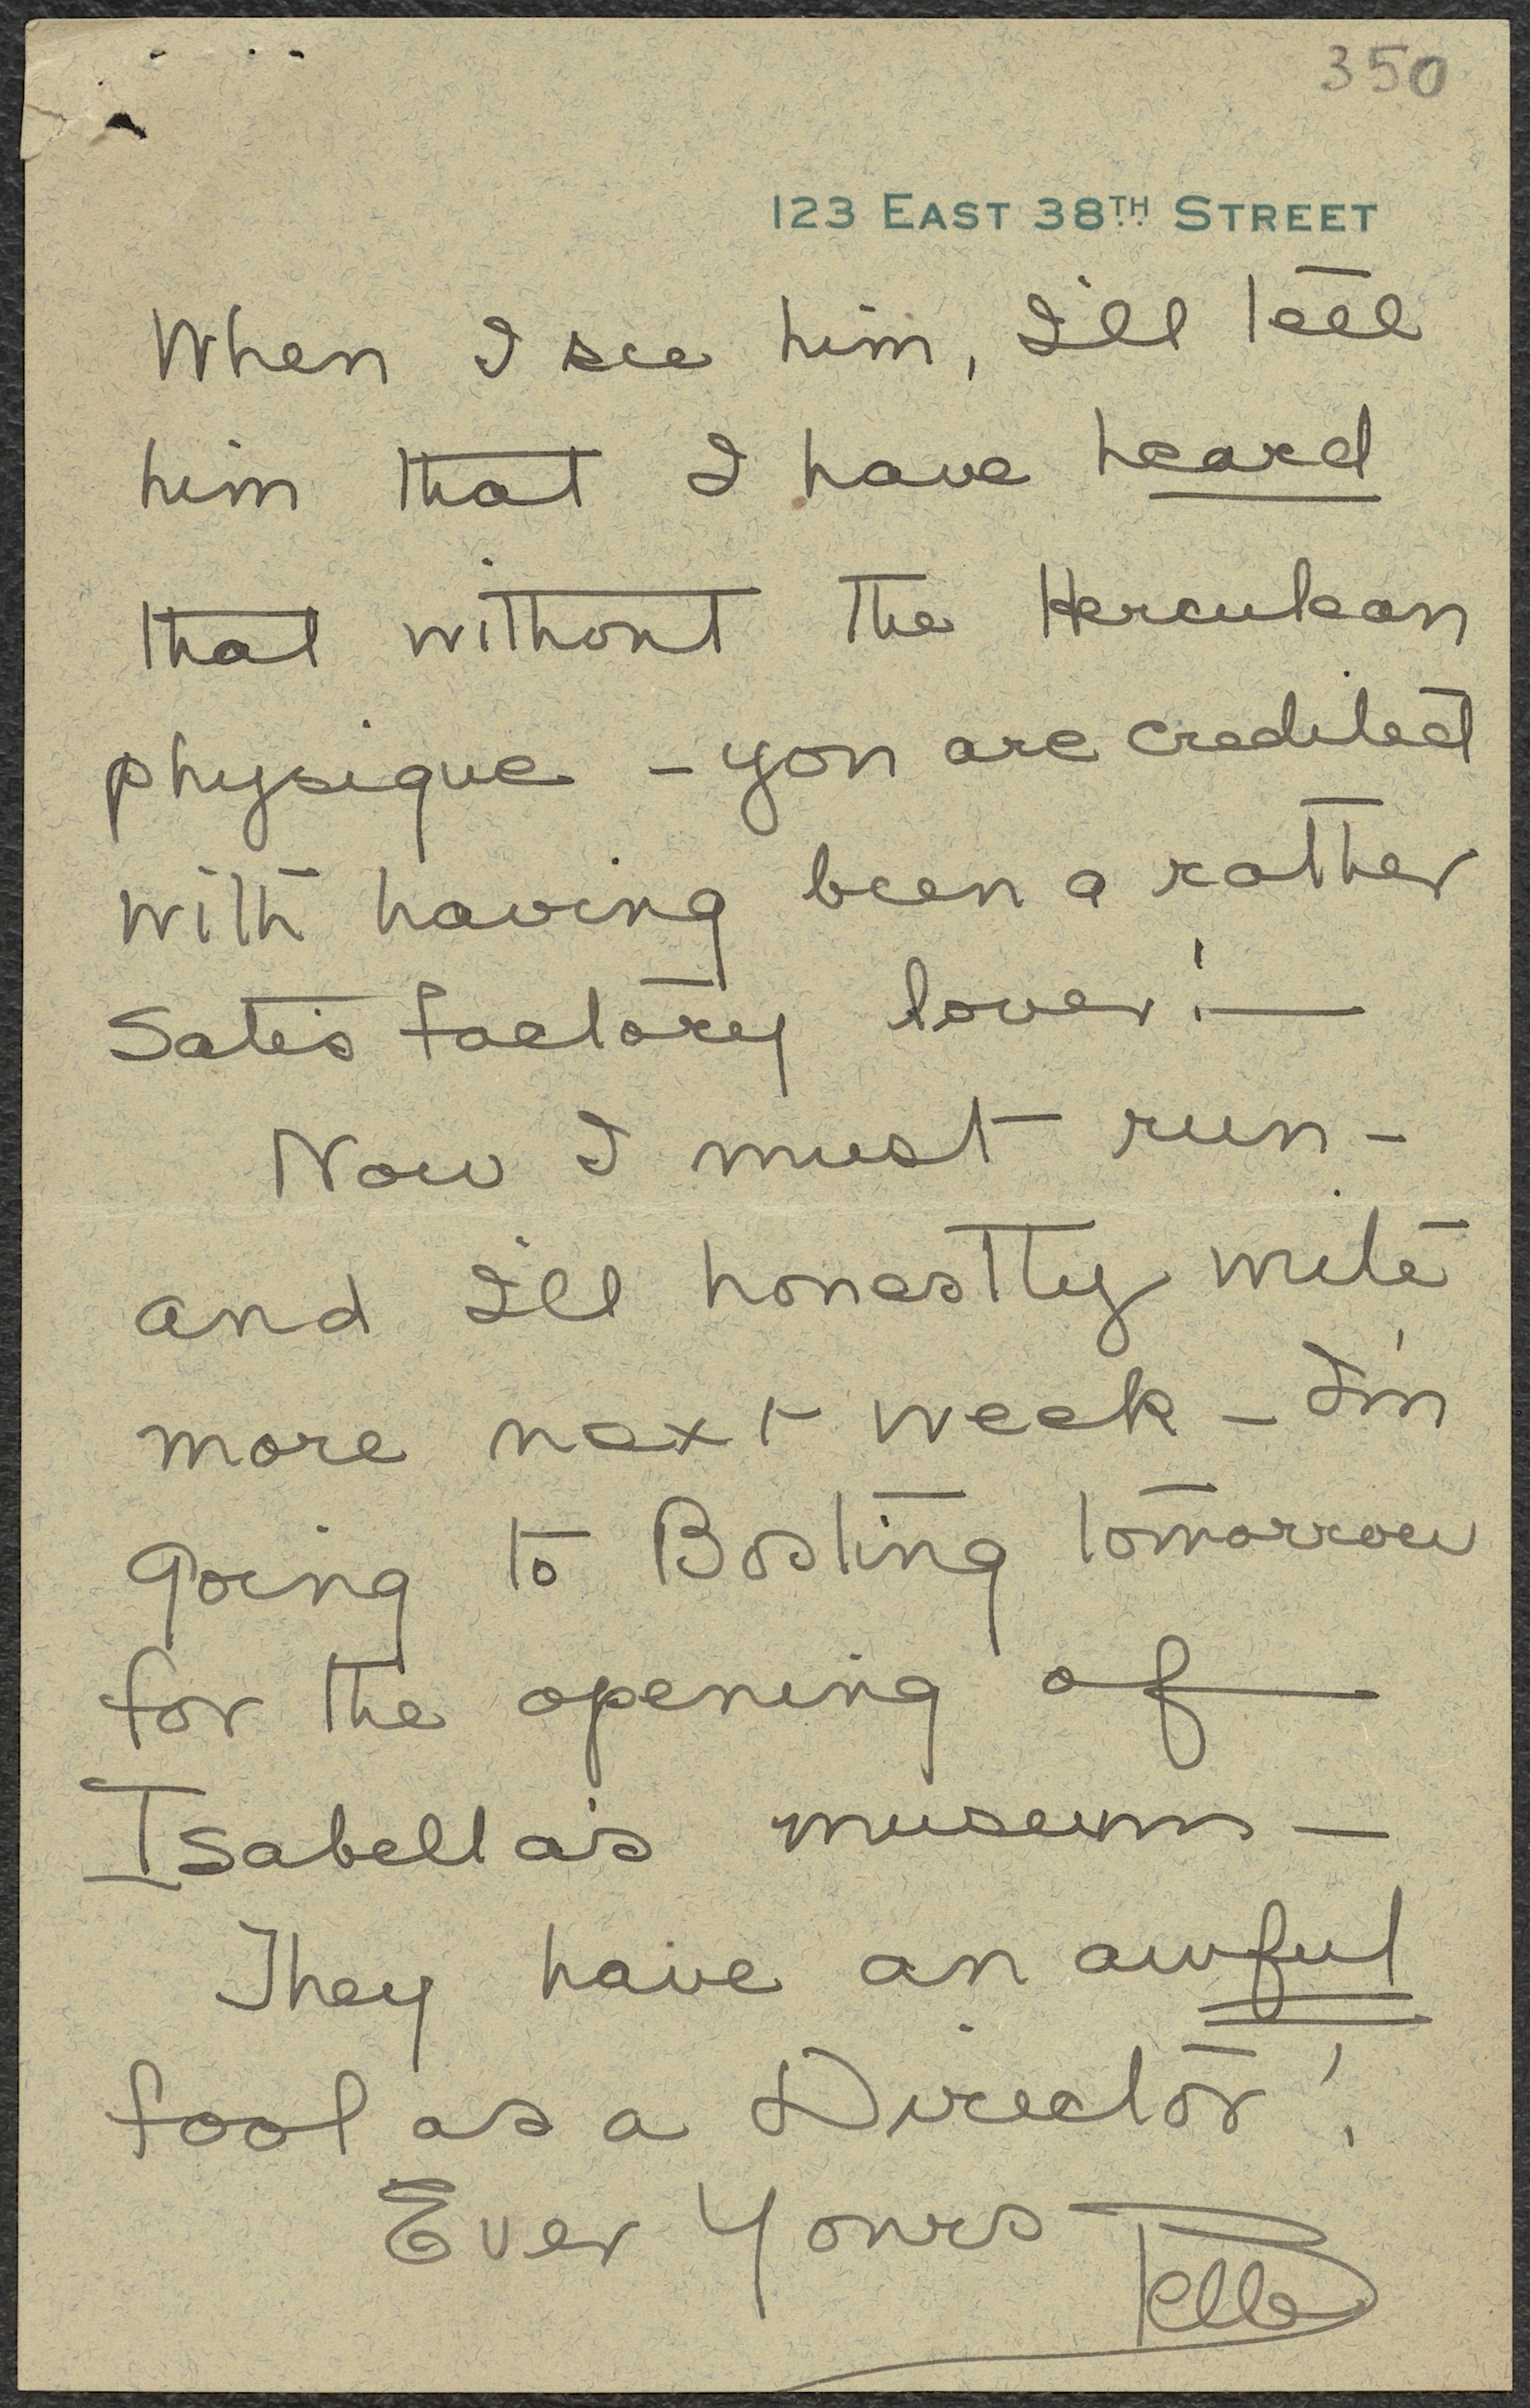When I see him, I’ll tell him that I have heard that without the Herculean physique – you are credited with having been a rather satisfactory lover! –
Now I must run – and I’ll honestly write more next week – I’m going to Bosting [sic] tomorrow for the opening of Isabella’s museum –
They have an [double underlined: awful] fool as a Director!
Ever Yours
Belle